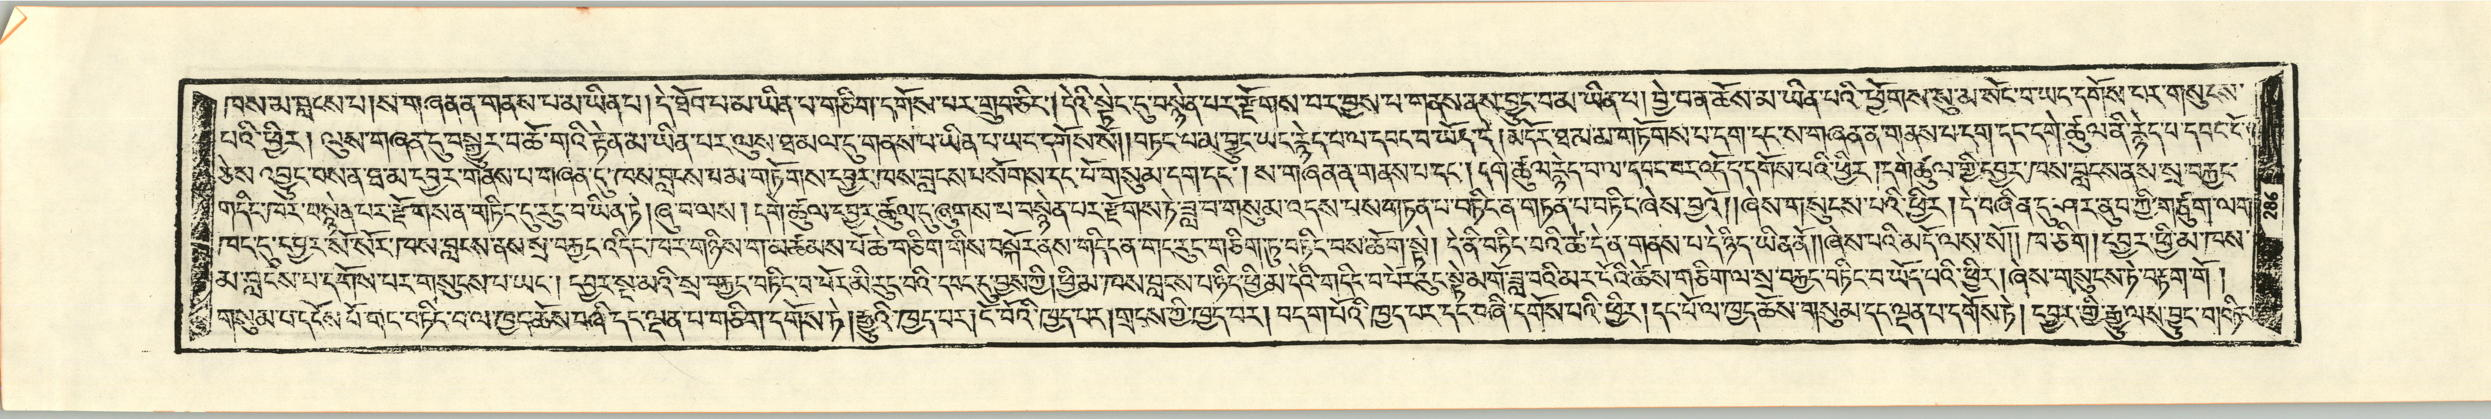ཁས་མ་བླངས་པ། ས་གཞན་ན་གནས་པ་མ་ཡིན་པ། དེ་ཐོབ་པ་མ་ཡིན་པ་གཅིག་དགོས་པར་གྲུབ་ཅིང་། དེའི་སྟེང་དུ་བསྙེན་པར་རྫོགས་པར་བྱས་པ་གནས་ནས་བྱུང་བ་མ་ཡིན་པ། བྱེ་བ་ན་ཆོས་མ་ཡིན་པའི་ཕྱོགས་སུ་མ་སོང་བ་ཡང་དགོས་པར་གསུངས་
པའི་ཕྱིར། ལུས་གཞན་དུ་བསྒྱུར་བ་ཆོ་གའི་རྟེན་མ་ཡིན་པར་ལུས་ཐ་མལ་དུ་གནས་པ་ཡིན་པ་ཡང་དགོས་སོ། །བཏང་པ་མ་བྱུང་ཡང་རྙེད་པ་ལ་དབང་བ་ཡོད་དེ། མདོར་ཐ་མ་མ་གཏོགས་པ་དག་དང་ས་གཞན་ན་གནས་པ་དག་དང་དགེ་ཚུལ་ནི་རྙེད་པ་དབང་ངོ།
ཅེས་འབྱུང་བས་ན་ཐ་མ་དབྱར་གནས་པ་གཞན་དུ་ཁས་བླངས་པ་མ་གཏོགས་དབྱར་ཁས་བླངས་པ་སོགས་དང་པོ་གསུམ་དག་དང་། ས་གཞན་ན་གནས་པ་དང་། དགེ་ཚུལ་རྙེད་པ་ལ་དབང་བར་འདོད་དགོས་པའི་ཕྱིར། དགེ་ཚུལ་གྱི་དབྱར་ཁས་བླངས་ནས་སྲ་བརྐྱང་
གདིང་ཁར་བསྙེན་པར་རྫོགས་ན་གཏིང་དུ་རུང་བ་ཡིན་ཏེ། ཞུ་བ་ལས། དགེ་ཚུལ་དབྱར་ཚུལ་དུ་ཞུགས་པ་བསྙེན་པར་རྫོགས་ཏེ་ཟླ་བ་གསུམ་འདས་པས་གཏན་པ་བཏིང་ན་གཏན་པ་བཏིང་ཞེས་བྱའོ། །ཞེས་གསུངས་པའི་ཕྱིར། དེ་བཞིན་དུ་ཤར་ནུབ་ཀྱི་གཙུག་ལག་
ཁང་དུ་དབྱར་སོ་སོར་ཁས་བླངས་ནས་སྲ་བརྐྱང་འདིང་ཁར་གཉིས་ཀ་མཚམས་པོ་ཆེ་གཅིག་གིས་བསྐོར་ནས་གདིང་ན་གང་རུང་གཅིག་ཏུ་བཏིང་བས་ཆོག་སྟེ། དེ་ནི་བཏིང་བའི་ཚེ་དེ་ན་གནས་པ་དེ་ཉིད་ཡིན་ནོ། །ཞེས་པའི་མདོ་ལས་སོ། །ཁ་ཅིག །དབྱར་ཕྱི་མ་ཁས་
མ་བླངས་པ་དགོས་པར་གསུངས་པ་ཡང་། དབྱར་སྔ་མའི་སྲ་བརྐྱང་བཏིང་བ་པོར་མི་རུང་བའི་དབང་དུ་བྱས་ཀྱི། ཕྱི་མ་ཁས་བླངས་པ་ཉིད་ཕྱི་མ་དེའི་གདིང་བ་པོར་རུང་སྟེ་མགོ་ཟླ་བའི་མར་ངོའི་ཚེས་གཅིག་ལ་སྲ་བརྐྱང་བཏིང་བ་ཡོད་པའི་ཕྱིར། ཞེས་གསུངས་ཏེ་བརྟག་གོ །
གསུམ་པ་དངོས་པོ་གང་བཏིང་བ་ལ་ཁྱད་ཆོས་བཞི་དང་ལྡན་པ་གཅིག་དགོས་ཏེ། རྒྱུའི་ཁྱད་པར། ངོ་བོའི་ཁྱད་པར། གྲངས་ཀྱི་ཁྱད་པར། བདག་པོའི་ཁྱད་པར་དང་བཞི་དགོས་པའི་ཕྱིར། དང་པོ་ལ་ཁྱད་ཆོས་གསུམ་དང་ལྡན་པ་དགོས་ཏེ། དབྱར་གྱི་རྒྱུ་ལས་བྱུང་བ། བཏིང་